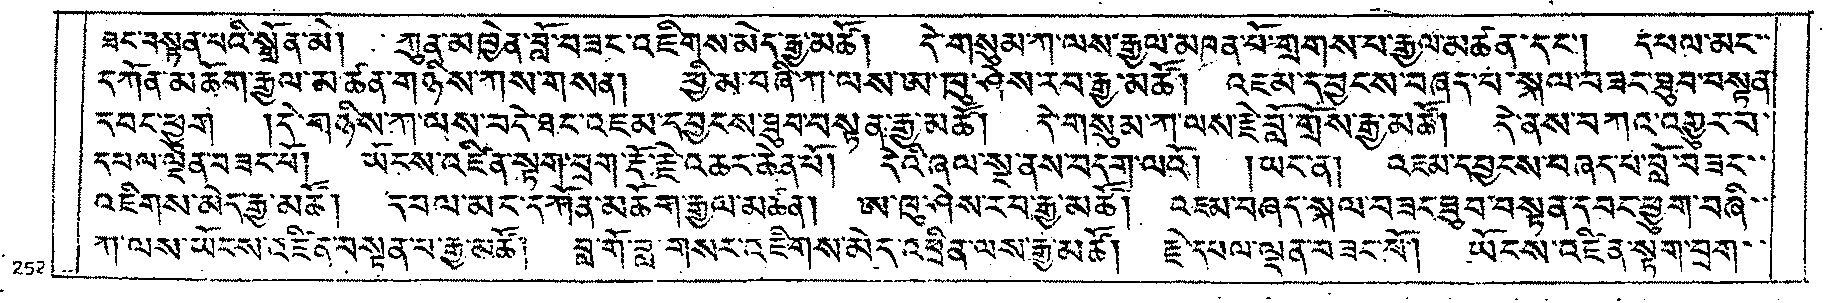ཐང་བསྟན་པའི་སྒྲོན་མེ། ཀུན་མཁྱེན་བློ་བཟང་འཇིགས་མེད་རྒྱ་མཚོ། དེ་གསུམ་ཀ་ལས་རྒྱལ་མཁན་པོ་གྲགས་པ་རྒྱལ་མཚན་དང་། དཔལ་མང་
དཀོན་མཆོག་རྒྱལ་མཚན་གཉིས་ཀས་གསན། ཕྱི་མ་བཞི་ཀ་ལས་ཨ་ཁུ་ཤེས་རབ་རྒྱ་མཚོ། འཇམ་དབྱངས་བཞད་པ་སྐལ་བཟང་ཐུབ་བསྟན་
དབང་ཕྱུག །དེ་གཉིས་ཀ་ལས་བདེ་ཐང་འཇམ་དབྱངས་ཐུབ་བསྟན་རྒྱ་མཚོ། དེ་གསུམ་ཀ་ལས་རྗེ་བློ་གྲོས་རྒྱ་མཚོ། དེ་ནས་བཀའ་འགྱུར་བ་
དཔལ་ལྡན་བཟང་པོ། ཡོངས་འཛིན་སྟག་བྲག་རྡོ་རྗེ་འཆང་ཆེན་པོ། དེའི་ཞལ་སྔ་ནས་བདག་ལའོ། །ཡང་ན། འཇམ་དབྱངས་བཞད་པ་བློ་བཟང་
འཇིགས་མེད་རྒྱ་མཚོ། དཔལ་མང་དཀོན་མཆོག་རྒྱལ་མཚན། ཨ་ཁུ་ཤེས་རབ་རྒྱ་མཚོ། འཇམ་བཞད་སྐལ་བཟང་ཐུབ་བསྟན་དབང་ཕྱུག་བཞི་
ཀ་ལས་ཡོངས་འཛིན་བསྟན་པ་རྒྱ་མཚོ། བླ་གོ་བླ་གསར་འཇིགས་མེད་འཕྲིན་ལས་རྒྱ་མཚོ། རྗེ་དཔལ་ལྡན་བཟང་པོ། ཡོངས་འཛིན་སྟག་བྲག་